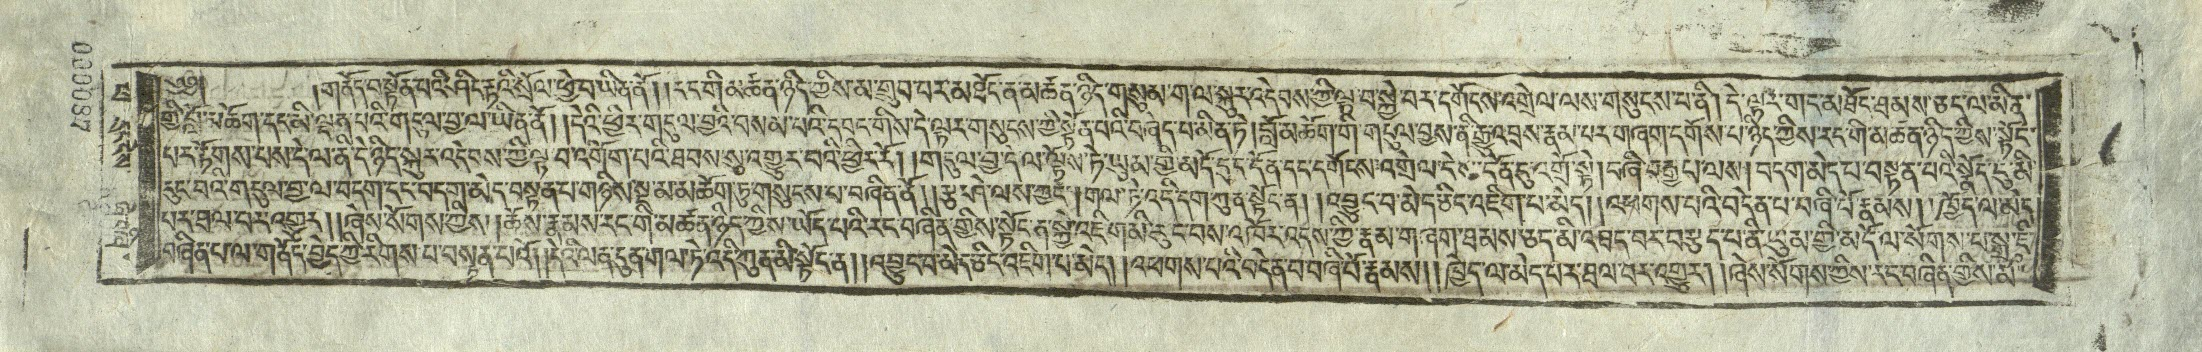༄༅། །གནོད་པ་སྟོན་པའི་ཤིང་རྟའི་སྲོལ་ཕྱེ་བ་ཡིན་ནོ། །རང་གི་མཚན་ཉིད་ཀྱིས་མ་གྲུབ་པར་མཐོང་ན་མཚན་ཉིད་གསུམ་ག་ལ་སྐུར་འདེབས་ཀྱི་ལྟ་བ་སྐྱེ་བར་དགོངས་འགྲེལ་ལས་གསུངས་པ་ནི། དེ་ལྟར་གང་མཐོང་ཐམས་ཅད་ལ་མིན་
གྱི་བློ་མཆོག་དང་མི་ལྡན་པའི་གདུལ་བྱ་ལ་ཡིན་ནོ། །དེའི་ཕྱིར་གདུལ་བྱའི་བསམ་པའི་དབང་གིས་དེ་ལྟར་གསུངས་ཀྱི་སྟོན་པའི་བཞེད་པ་མིན་ཏེ། བློ་མཆོག་གི་གདུལ་བྱས་ནི་རྒྱུ་འབྲས་རྣམ་པར་གཞག་དགོས་པ་ཉིད་ཀྱིས་རང་གི་མཚན་ཉིད་ཀྱིས་སྟོང་
པར་རྟོགས་པས་དེ་ལ་ནི་དེ་ཉིད་སྐུར་འདེབས་ཀྱི་ལྟ་བ་འགོག་པའི་ཐབས་སུ་འགྱུར་བའི་ཕྱིར་རོ། །གདུལ་བྱ་དེ་ལ་ལྟོས་ཏེ་ཡུམ་གྱི་མདོ་དྲང་དོན་དང་དགོངས་འགྲེལ་ངེས་དོན་དུ་འགྲོ་སྟེ། བཞི་བརྒྱ་པ་ལས། བདག་མེད་པ་བསྟན་པའི་སྣོད་དུ་མི་
རུང་བའི་གདུལ་བྱ་ལ་བདག་དང་བདག་མེད་བསྟན་པ་གཉིས་སྔ་མ་མཆོག་ཏུ་གསུངས་པ་བཞིན་ནོ། །རྩ་ཤེ་ལས་ཀྱང་། གལ་ཏེ་འདི་དག་ཀུན་སྟོང་ན། །འབྱུང་བ་མེད་ཅིང་འཇིག་པ་མེད། །འཕགས་པའི་བདེན་པ་བཞི་པོ་རྣམས། །ཁྱོད་ལ་མེད་
པར་ཐལ་པར་འགྱུར། །ཞེས་སོགས་ཀྱིས། ཆོས་རྣམས་རང་གི་མཚན་ཉིད་ཀྱིས་ཡོད་པའི་རང་བཞིན་གྱིས་སྟོང་ན་སྐྱེ་འཇིག་མི་རུང་བས་འཁོར་འདས་ཀྱི་རྣམ་གཞག་ཐམས་ཅད་མི་འཐད་པར་བརྩད་པ་ནི་ཡུམ་གྱི་མདོ་ལ་སོགས་པ་སྒྲ་ཇི་
བཞིན་པ་ལ་གནོད་བྱེད་ཀྱི་རིགས་པ་བསྟན་པའོ། །དེའི་ལན་དུ། གལ་ཏེ་འདི་ཀུན་མི་སྟོང་ན། །འབྱུང་བ་མེད་ཅིང་འཇིག་པ་མེད། །འཕགས་པའི་བདེན་པ་བཞི་པོ་རྣམས། །ཁྱོད་ལ་མེད་པར་ཐལ་བར་འགྱུར། །ཞེས་སོགས་ཀྱིས་རང་བཞིན་གྱིས་མི་